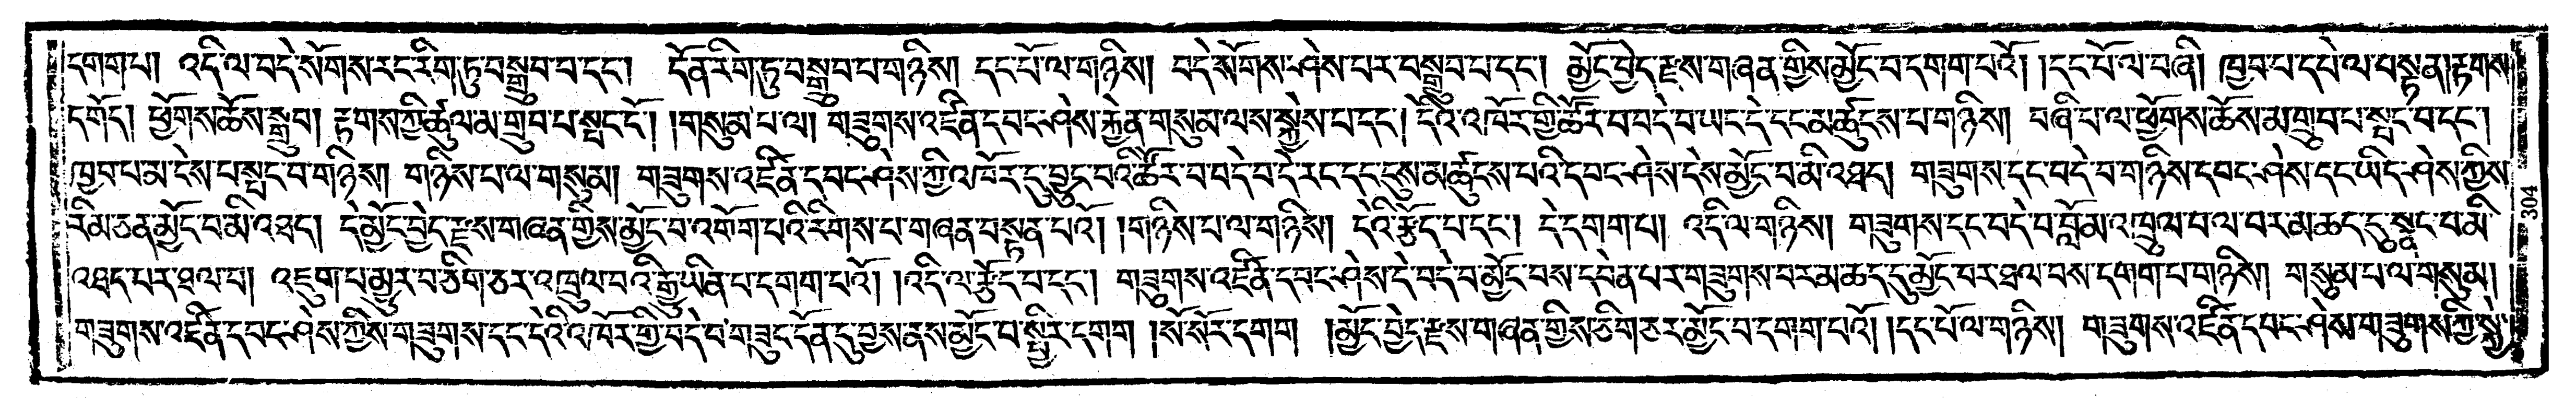དགག་པ། འདི་ལ་བདེ་སོགས་རང་རིག་ཏུ་བསྒྲུབ་པ་དང་། དོན་རིག་ཏུ་བསྒྲུབ་པ་གཉིས། དང་པོ་ལ་གཉིས། བདེ་སོགས་ཤེས་པར་བསྒྲུབ་པ་དང་། མྱོང་བྱེད་རྫས་གཞན་གྱིས་མྱོང་བ་དགག་པའོ། །དང་པོ་ལ་བཞི། ཁྱབ་པ་དཔེ་ལ་བསྟན། རྟགས་
དགོད། ཕྱོགས་ཆོས་སྒྲུབ། རྟགས་ཀྱི་ཚུལ་མ་གྲུབ་པ་སྤང་ངོ། །གསུམ་པ་ལ། གཟུགས་འཛིན་དབང་ཤེས་རྐྱེན་གསུམ་ལས་སྐྱེས་པ་དང་། དེའི་འཁོར་གྱི་ཚོར་བ་བདེ་བ་ཡང་དེ་དང་མཚུངས་པ་གཉིས། བཞི་པ་ལ་ཕྱོགས་ཆོས་མ་གྲུབ་པ་སྤང་བ་དང་།
ཁྱབ་པ་མ་ངེས་པ་སྤང་བ་གཉིས། གཉིས་པ་ལ་གསུམ། གཟུགས་འཛིན་དབང་ཤེས་ཀྱི་འཁོར་དུ་བྱུང་བའི་ཚོར་བ་བདེ་བ་དེ་རང་དང་དུས་མཚུངས་པའི་དབང་ཤེས་དེས་མྱོང་བ་མི་འཐད། གཟུགས་དང་བདེ་བ་གཉིས་དབང་ཤེས་དང་ཡིད་ཤེས་ཀྱིས་
རིམ་ཅན་མྱོང་བ་མི་འཐད། དེ་མྱོང་བྱེད་རྫས་གཞན་གྱིས་མྱོང་བ་འགོག་པའི་རིགས་པ་གཞན་བསྟན་པའོ། །གཉིས་པ་ལ་གཉིས། དེའི་རྩོད་པ་དང་། དེ་དགག་པ། འདི་ལ་གཉིས། གཟུགས་དང་བདེ་བ་བློ་མ་འཁྲུལ་པ་ལ་བར་མ་ཆད་དུ་སྣང་བ་མི་
འཐད་པར་ཐལ་བ། འཇུག་པ་མྱུར་བ་ཅིག་ཅར་འཁྲུལ་བའི་རྒྱུ་ཡིན་པ་དགག་པའོ། །འདི་ལ་རྩོད་པ་དང་། གཟུགས་འཛིན་དབང་ཤེས་དེ་བདེ་བ་མྱོང་བས་དབེན་པར་གཟུགས་བར་མ་ཆད་དུ་མྱོང་བར་ཐལ་བས་དགག་པ་གཉིས། གསུམ་པ་ལ་གསུམ།
གཟུགས་འཛིན་དབང་ཤེས་ཀྱིས་གཟུགས་དང་དེའི་འཁོར་གྱི་བདེ་བ་གཟུང་དོན་དུ་བྱས་ནས་མྱོང་བ་སྤྱིར་དགག །སོ་སོར་དགག །མྱོང་བྱེད་རྫས་གཞན་གྱིས་ཅིག་ཅར་མྱོང་བ་དགག་པའོ། །དང་པོ་ལ་གཉིས། གཟུགས་འཛིན་དབང་ཤེས་གཟུགས་ཀྱི་སྐྱེ་